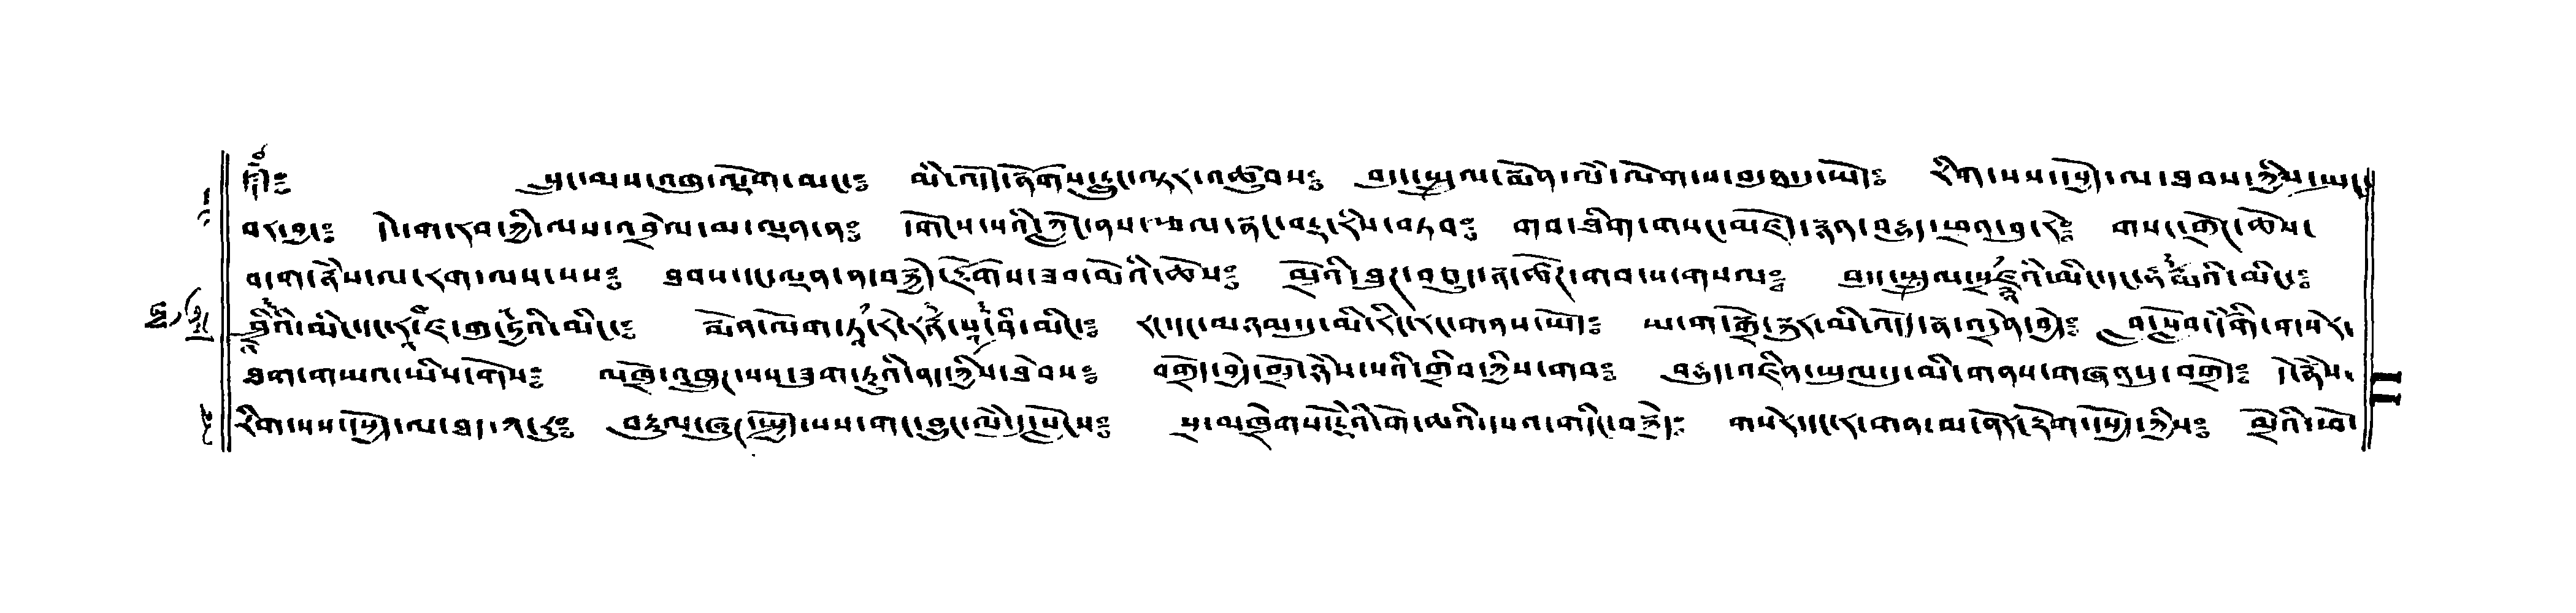སྲུང་མས་འཁུ་ལྡོག་མང༔ མི་འདོད་སྣ་ཚོགས་རླུང་ལྟར་འཚུབས༔ བདུད་སྤྲུལ་སྨོན་ལམ་ལེག་པ་བདུན་དུ་ཡོད༔ རིག་པས་དཔྱོད་ལ་ཐབས་ཀྱིས་སྤང་
བར་བྱ༔ དེ་དག་རབ་ཀྱི་ལས་འབྲེལ་མ་ལྡན་ན༔ དགོངས་པའི་ཀློང་ནས་རྩལ་སྣང་བརྡ་རིས་བཏབ༔ གབ་ཐིག་གསང་མཛོད་སྙན་བརྒྱུད་ཕྲན་བུ་རེ༔ གསང་གྲོགས་ཆོས་
བདག་རྣམས་ལ་རག་ལས་པས༔ ཐབས་དང་ལྡན་ན་བསྐྱེད་རྫཽགས་ཟབ་མོའི་ཆོས༔ མཁའ་འགྲོའི་ཐུགས་བཅུད་སྣ་ཚོགས་གབ་པ་གསལ༔ བདུད་སྤྲུལ་པྲཛྙཱའི་མིང་
དང་དྷརྨའི་མིང༔ ཤྲཱིའི་མིང་དང་རཱ་ཛ་གུ་ཧྱའི་མིང༔ སྨོན་ལོག་ཏཱ་རེ་རཏྣ་པཱ་ཤཾ་མིང༔ རང་དང་མཉམ་དུ་མི་རིང་རང་གནས་ཡོད༔ ཡ་ག་སྒྲོ་སྐུར་མི་འདོད་སྣ་འདྲེན་བྱེད༔ བླ་སློབ་དམ་ཚིག་གསེར་
ཐག་གཡའ་ཡིས་གོས༔ མཁའ་འགྲོ་འཁྲུགས་པས་ཟུག་ངུའི་ནད་ཀྱིས་ཐེབས༔ བགྲོད་བྱེད་མཁའ་འགྲོ་ཉམས་པའི་གྲིབ་ཀྱིས་གབ༔ བརྒྱུད་འཛིན་ཡུལ་དུ་མི་གནས་གཞན་དུ་བགྲོད༔ དེ་རྣམས་
རིག་པས་དཔྱོད་ལ་ཐད་ཀ་རུ༔ བརྟུལ་ཞུགས་སྤྱོད་པས་གང་བྱུང་ལམ་དུ་ལོངས༔ སྲ་མཁྲེགས་རྡོ་རྗེའི་གོ་ཆའི་དཔའ་གདིང་བསྐྱེད༔ གསེར་དང་ར་གན་མ་ནོར་རྟོག་དཔྱོད་གྱིས༔ མཁའ་འགྲོའི་ཕོ་